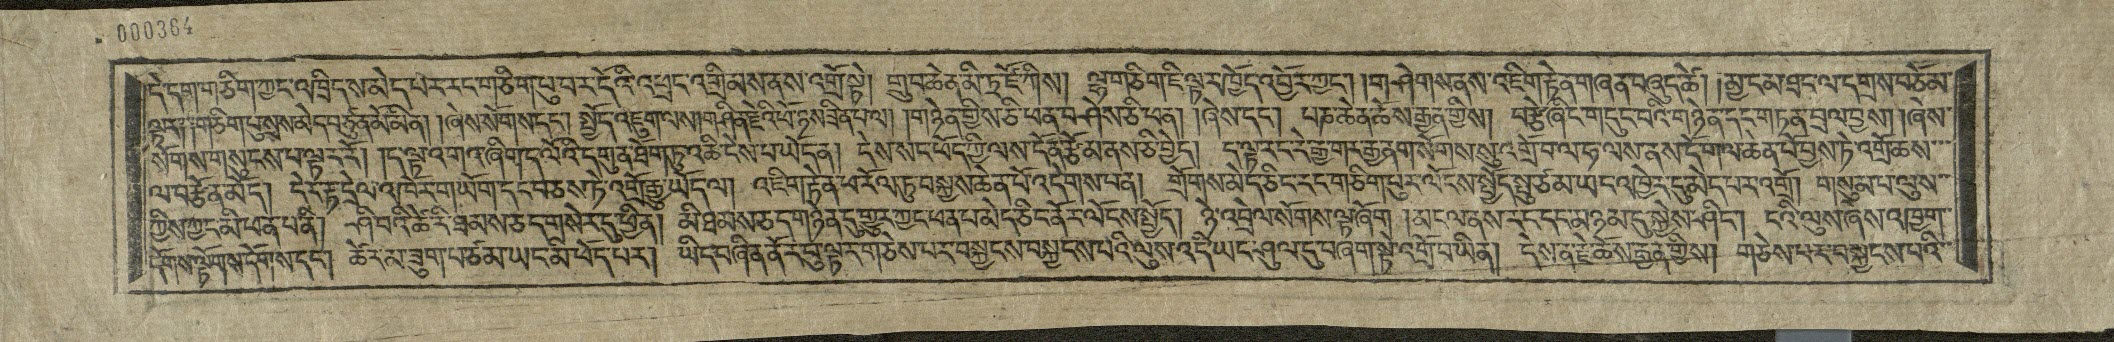དེ་དག་གཅིག་ཀྱང་འཁྲིད་ས་མེད་པར་རང་གཅིག་པུ་བར་དོའི་འཕྲང་འགྲིམས་ནས་འགྲོ་སྟེ། གྲུབ་ཆེན་མི་ཏྲ་ཛོ་ཀིས། ལྷ་གཅིག་ཇི་ལྟར་ཁྱོད་འབྱོར་ཀྱང་། །གཤེགས་ནས་འཇིག་རྟེན་གཞན་བཞུད་ཚེ། །མྱ་ངམ་ཐང་ལ་དགྲས་བཅོམ་
ལྟར༑ ༑གཅིག་པུ་སྲས་མེད་བཙུན་མོ་མིན། །ཞེས་སོགས་དང་། སྤྱོད་འཇུག་ལས། གཤིན་རྗེའི་ཕོ་ཉས་ཟིན་པ་ལ། །གཉེན་གྱིས་ཅི་ཕན་བཤེས་ཅི་ཕན། །ཞེས་དང་། པཎ་ཆེན་ཆོས་རྒྱན་གྱིས། བརྩེ་ཞིང་གདུང་བའི་གཉེན་དང་གཏན་བྲལ་བྱས། །ཞེས་
སོགས་གསུངས་པ་ལྟར་རོ། །ད་ལྟ་འགའ་ཞིག་ད་ལོའི་དགུན་ཐོག་ཏུ་འཆི་ངེས་པ་ཡོད་ན། དེས་སང་ཕོད་ཀྱི་ལས་དོན་རྩོམ་ནས་ཅི་བྱེད། ད་ལྟ་རང་རེ་རྒྱ་གར་རྒྱ་ནག་སོགས་སུ་འགྲོ་བ་ལ་ཧ་ལས་ནས་དོ་གལ་ཆེན་པོ་བྱས་ཏེ་འགྲོ་ཆས་
ལ་བརྩོན་མོད། དེར་རྟ་དྲེལ་འཁོར་གཡོག་དང་བཅས་ཏེ་འགྲོ་རྒྱུ་ཡོད་ལ། འཇིག་རྟེན་ཕ་རོལ་ཏུ་བསྐྱས་ཆེན་པོ་འདེགས་པ་ན། གྲོགས་མེད་ཅིང་རང་གཅིག་པུར་ལོངས་སྤྱོད་སྤུ་ཙམ་ཡང་འཁྱེར་དུ་མེད་པར་འགྲོ། གསུམ་པ་ལུས་
ཀྱིས་ཀྱང་མི་ཕན་པ་ནི། ཤི་བའི་ཚེ་རི་ཐམས་ཅད་གསེར་དུ་ཕྱིན། མི་ཐམས་ཅད་གཉེན་དུ་གྱུར་ཀྱང་ཕན་པ་མེད་ཅིང་ནོར་ལོངས་སྤྱོད། ཉེ་འབྲེལ་སོགས་ལྟ་ཞོག །མངལ་ནས་རང་དང་མཉམ་དུ་སྐྱེས་ཤིང་། ངའི་ལུས་ཞེས་འཁྱག་
དོགས་ལྟོགས་དོགས་དང་། ཚེར་མ་ཟུག་པ་ཙམ་ཡང་མི་ཕོད་པར། ཡིད་བཞིན་ནོར་བུ་ལྟར་གཅེས་པར་བསྐྱངས་བསྐྱངས་པའི་ལུས་འདི་ཡང་ཤུལ་དུ་བཞག་སྟེ་འགྲོ་བ་ཡིན། དེས་ན་རྗེ་ཆོས་རྒྱན་གྱིས། གཅེས་པར་བསྐྱངས་པའི་